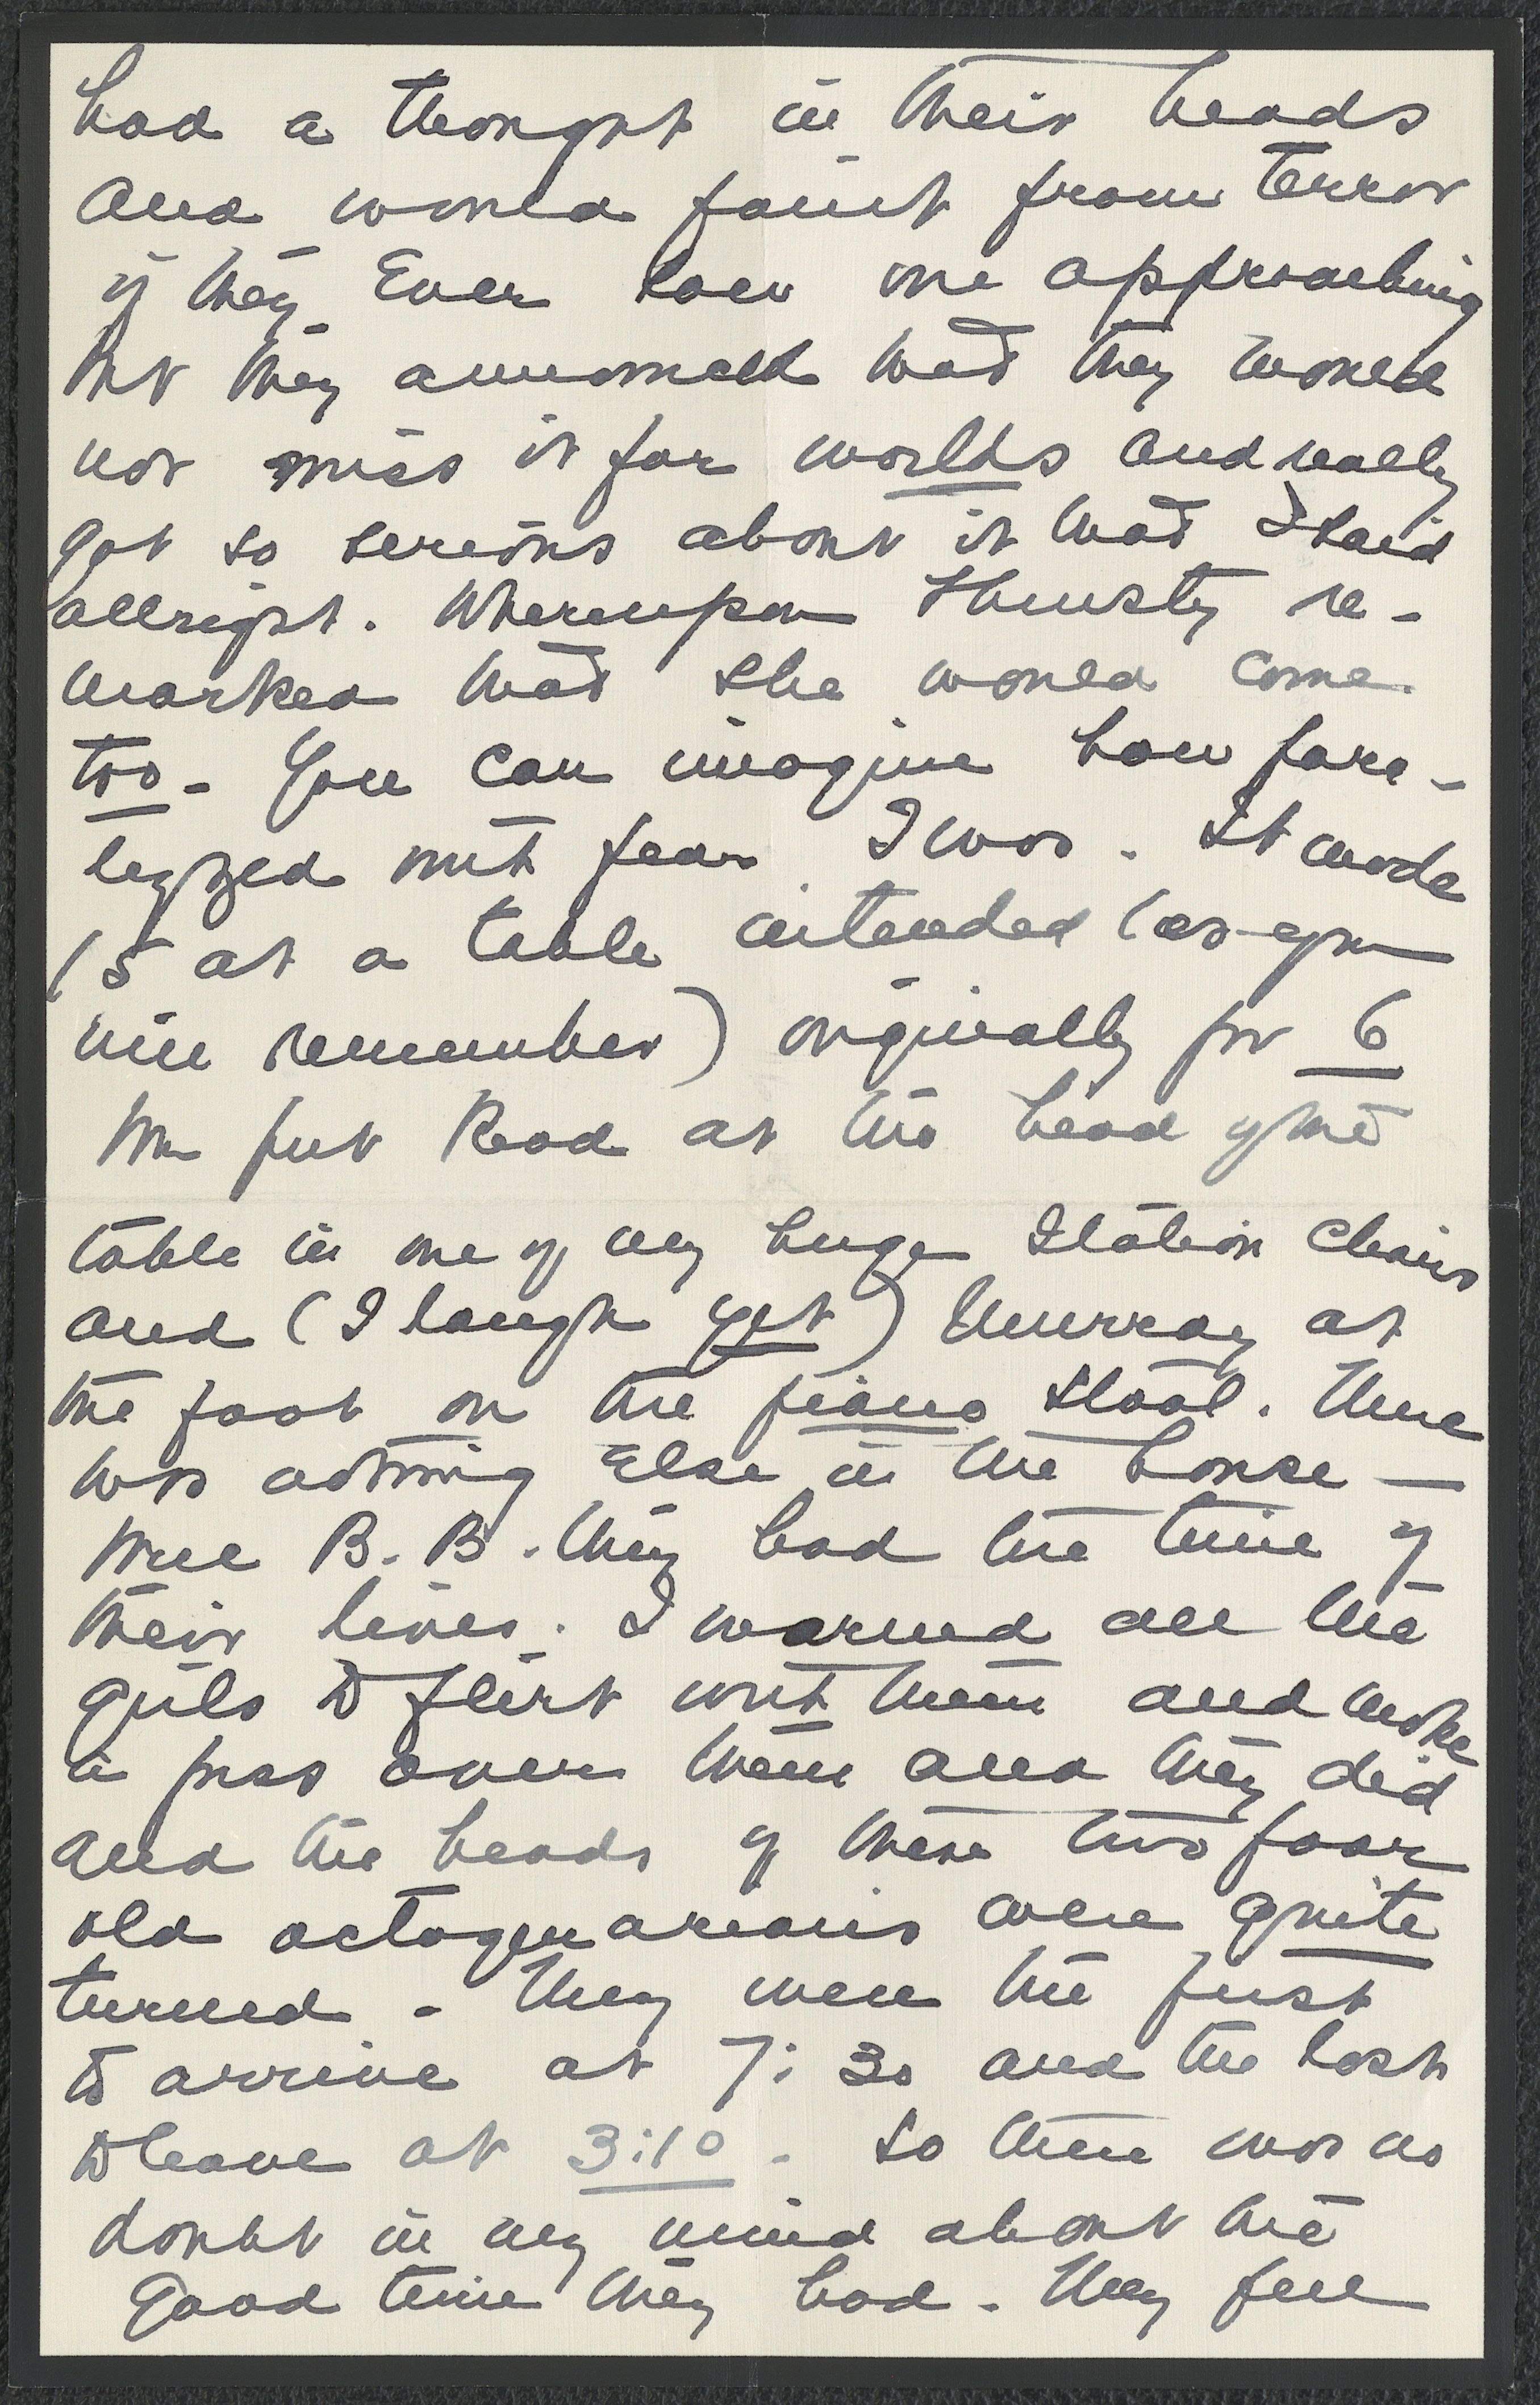had a thought in their heads and would faint from terror if they ever saw me approaching but they announced that they would not miss it for worlds and really got so serious about it that I said allright. Whereupon Thursty remarked that she would come too – You can imagine how paralyzed with fear I was. It made 15 at a table intended (as you will remember) originally for 6 but put Read at the head of the table in one of my huge Italian chairs and (I laugh yet) Murray at the foot on the piano stool. There was nothing else in the house – Well B.B. they had the time of their lives. I warned all the girls to flirt with them and make a fuss over them and they did and the heads of these two poor old octogenarians were quite turned – They were the first to arrive at 7:30 and the last to leave at 3:10. So there was no doubt in my mind about the good time they had. They fell